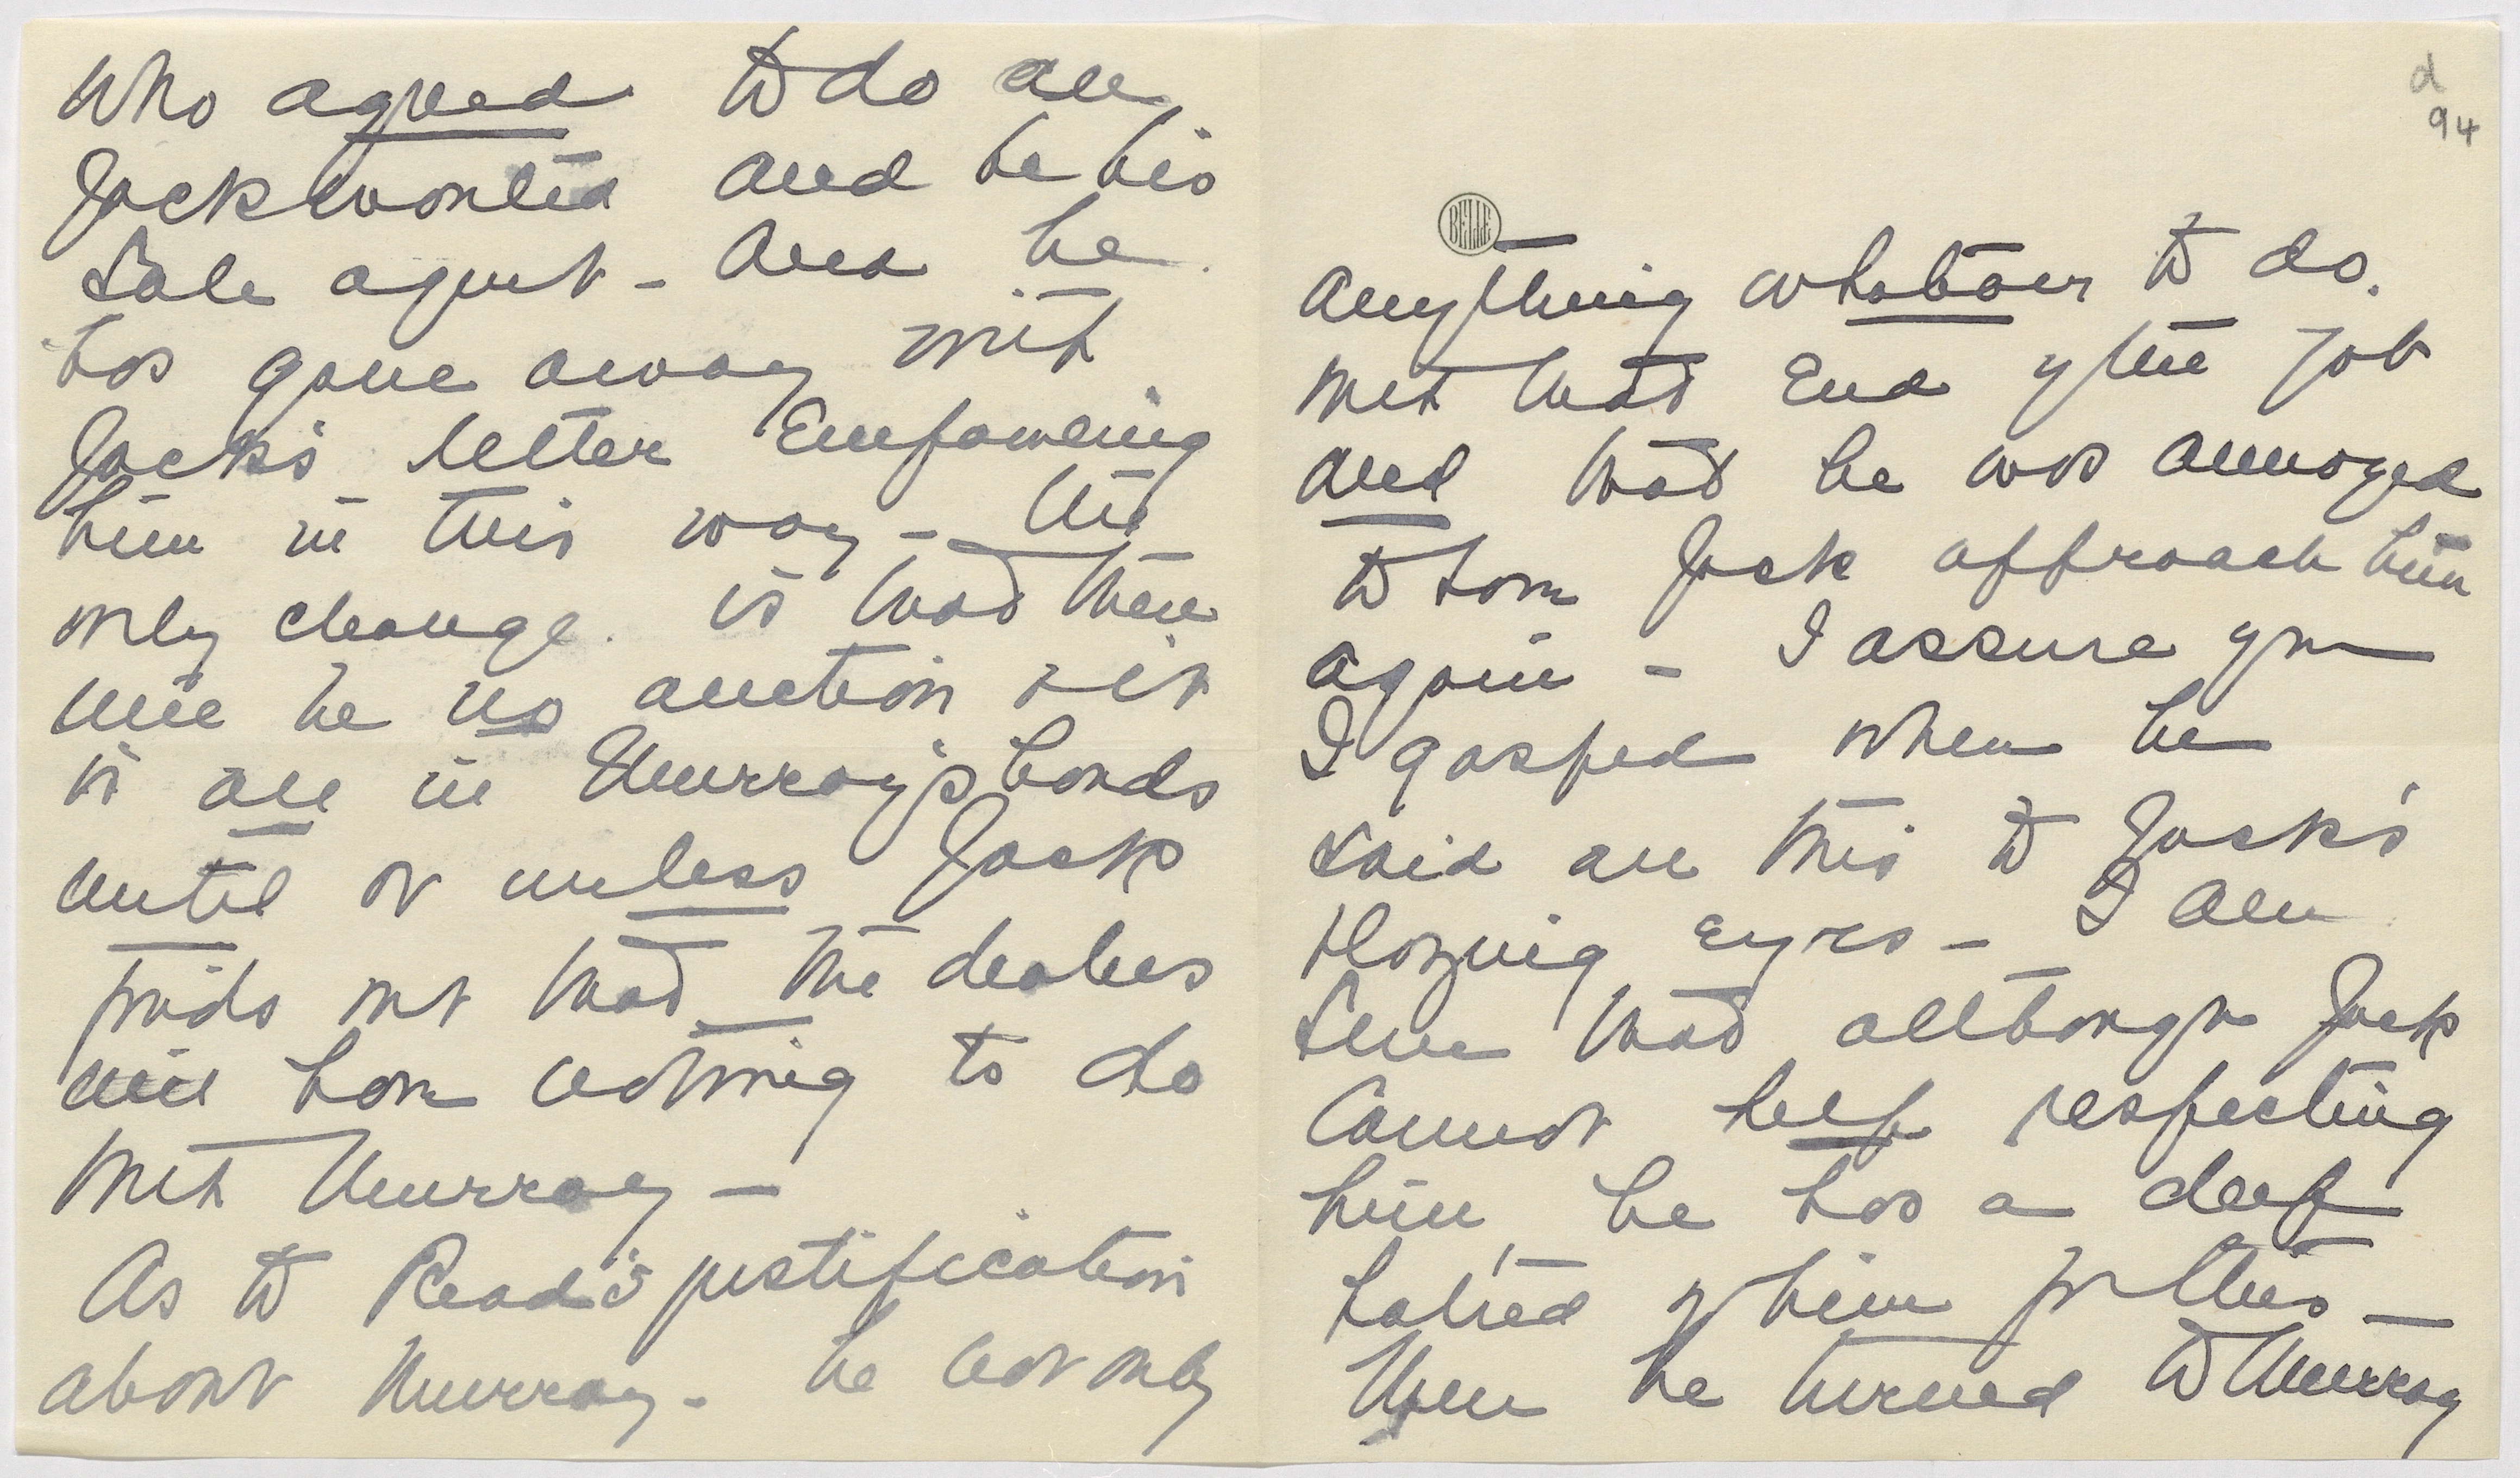anything whatever to do with that end of the job and that he was annoyed to have Jack approach him again – I assure you I gasped when he said all this to Jack’s blazing eyes – I am sure that although Jack cannot help respecting him, he has a deep hatred of him for this – Then he turned to Murray
who agreed to do all Jack wanted and be his sale agent – and he has gone away with Jack’s letter empowering him in this way – the only change is that there will be no auction & it is all in Murray’s hands until or unless Jack finds out that the dealers will have nothing to do with Murray –
As to Read’s justification about Murray – he not only